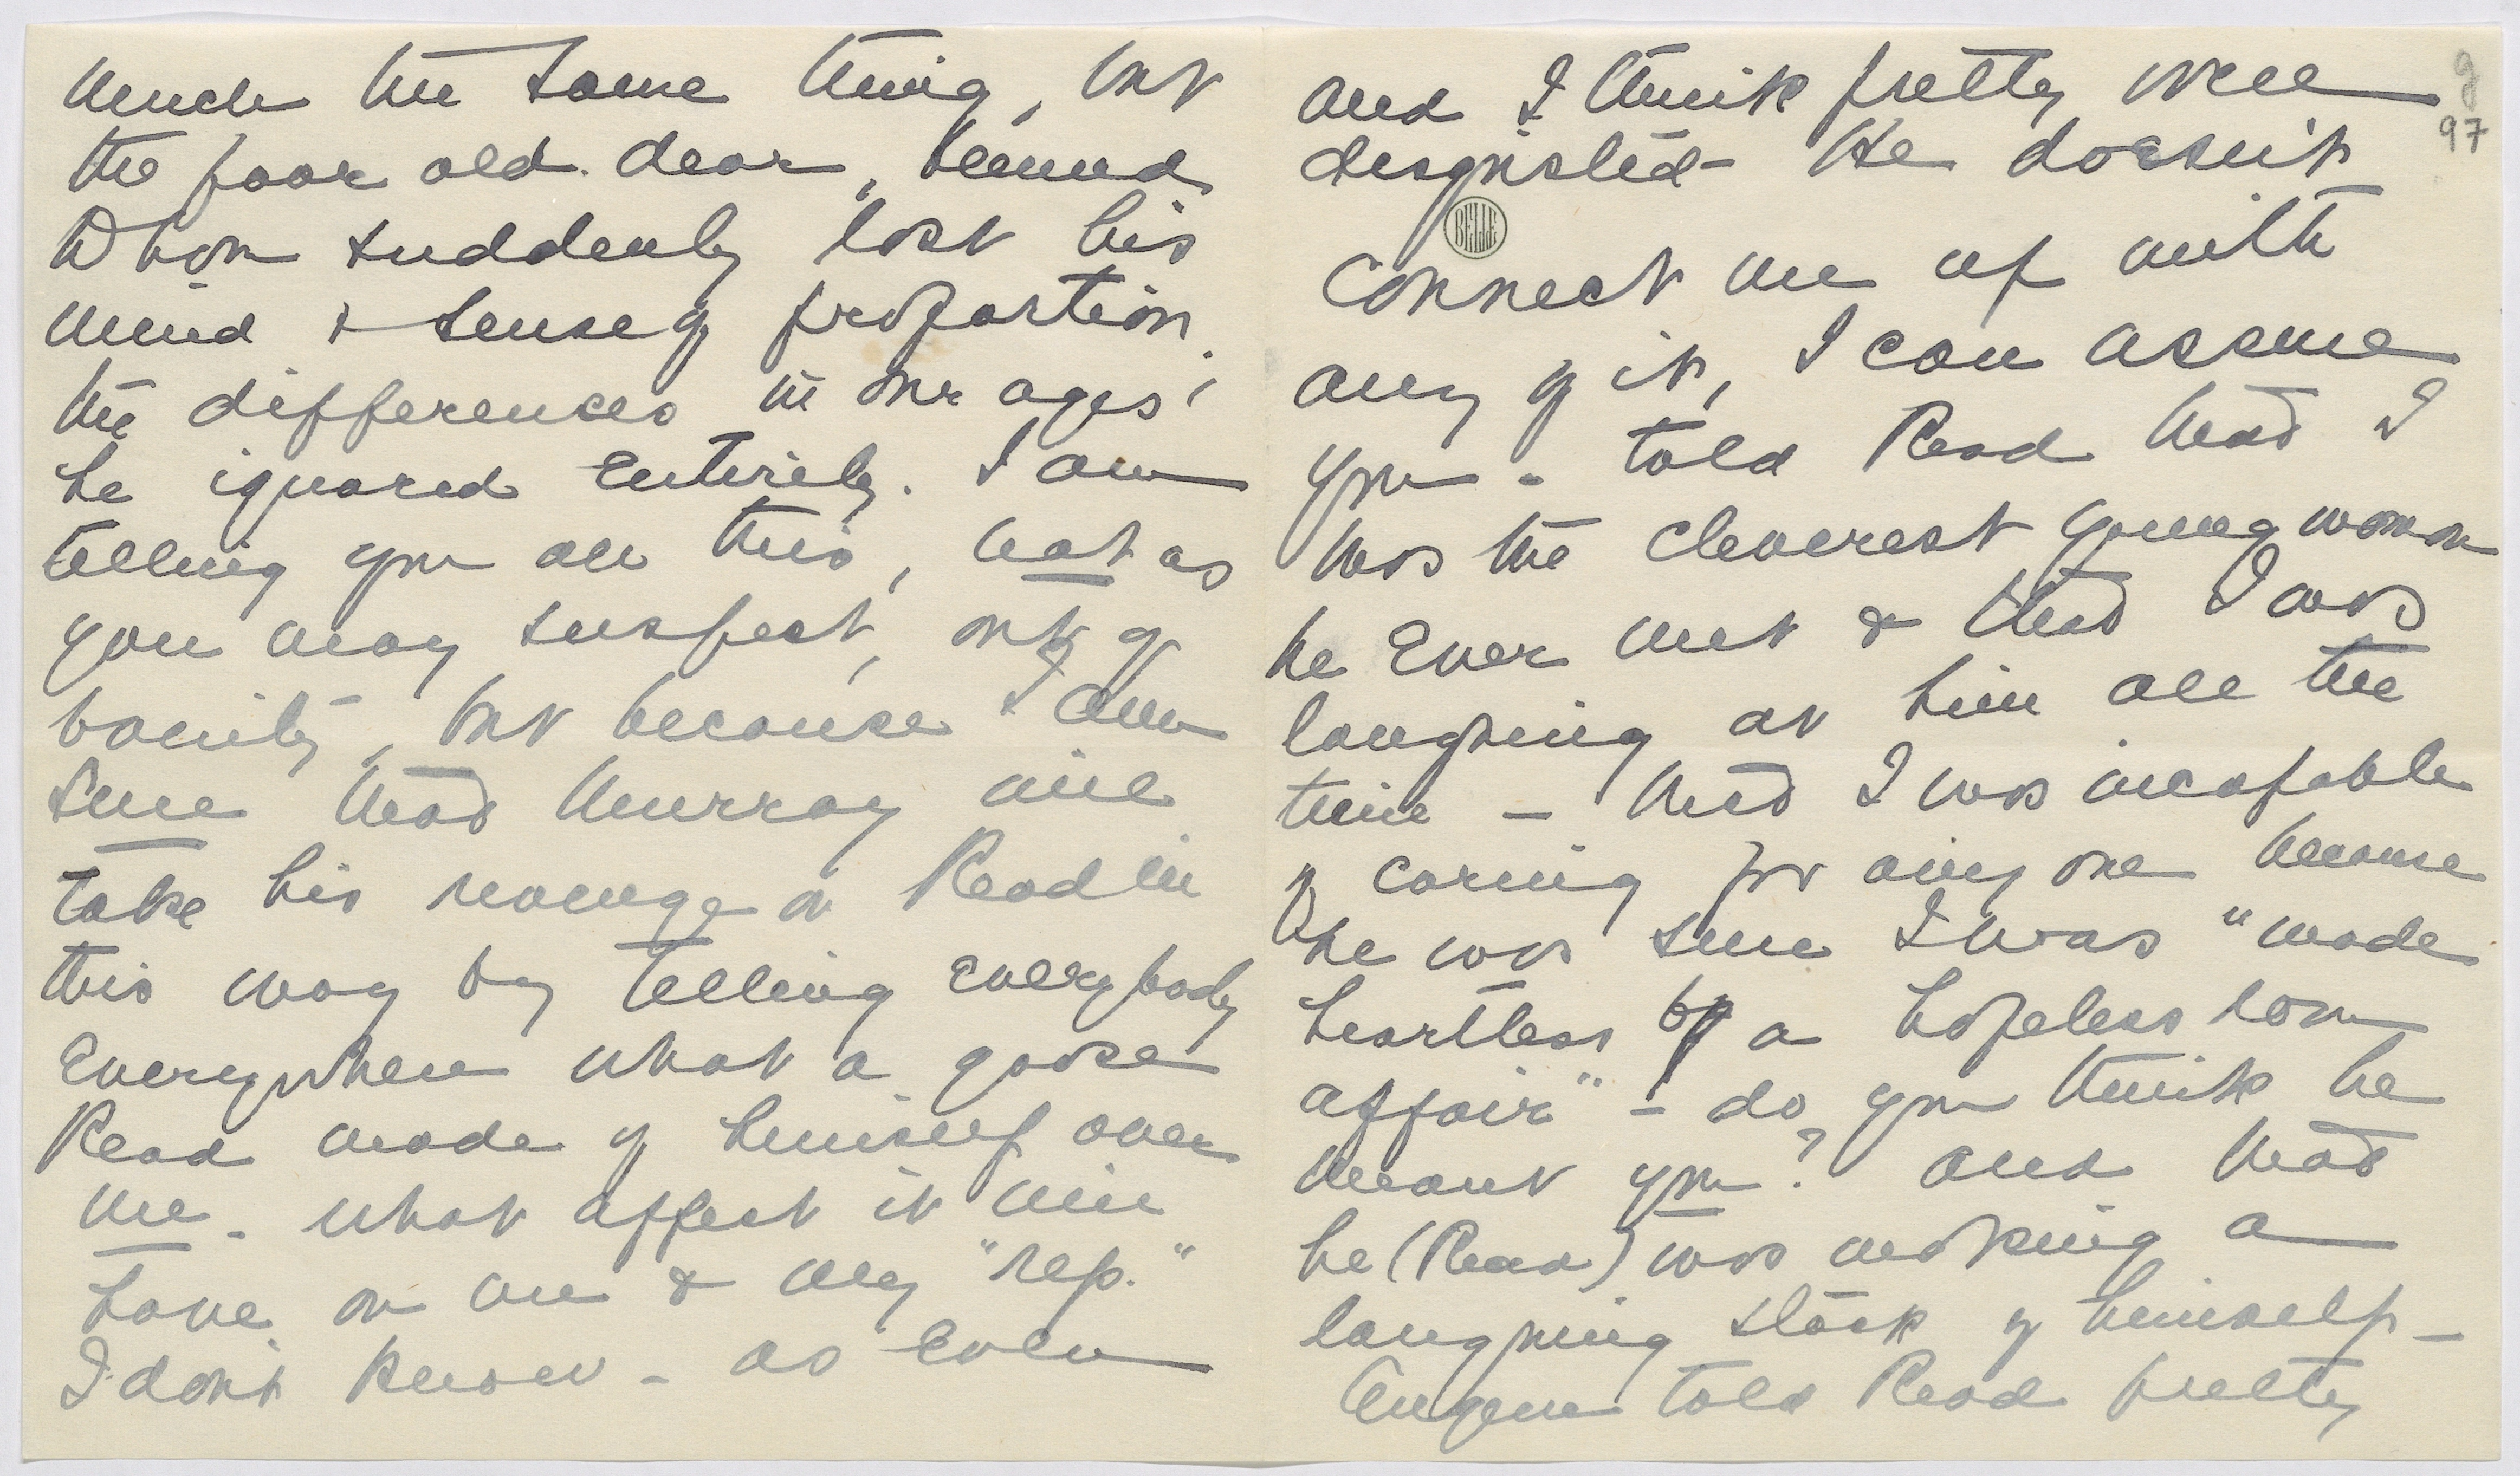and I think pretty well disgusted – He doesn’t connect me up with any of it, I can assure you – told Read that I was the cleverest young woman he ever met & that I was laughing at him all the time – that I was incapable of caring for any one because he was sure I was “made heartless by a hopeless love affair” – do you think he meant you? and that he (Read) was making a laughing stock of himself – Eugene told Read pretty
much the same thing, but the poor old dear, seemed to have suddenly lost his mind & sense of proportion. The differences in our ages he ignored entirely. I am telling you all this, not as you may suspect, out of vanity, but because I am sure that Murray will take his revenge on Read in this way by telling everybody everywhere what a goose Read made of himself over me – what effect it will have on me & my “rep.” I don’t know – as even